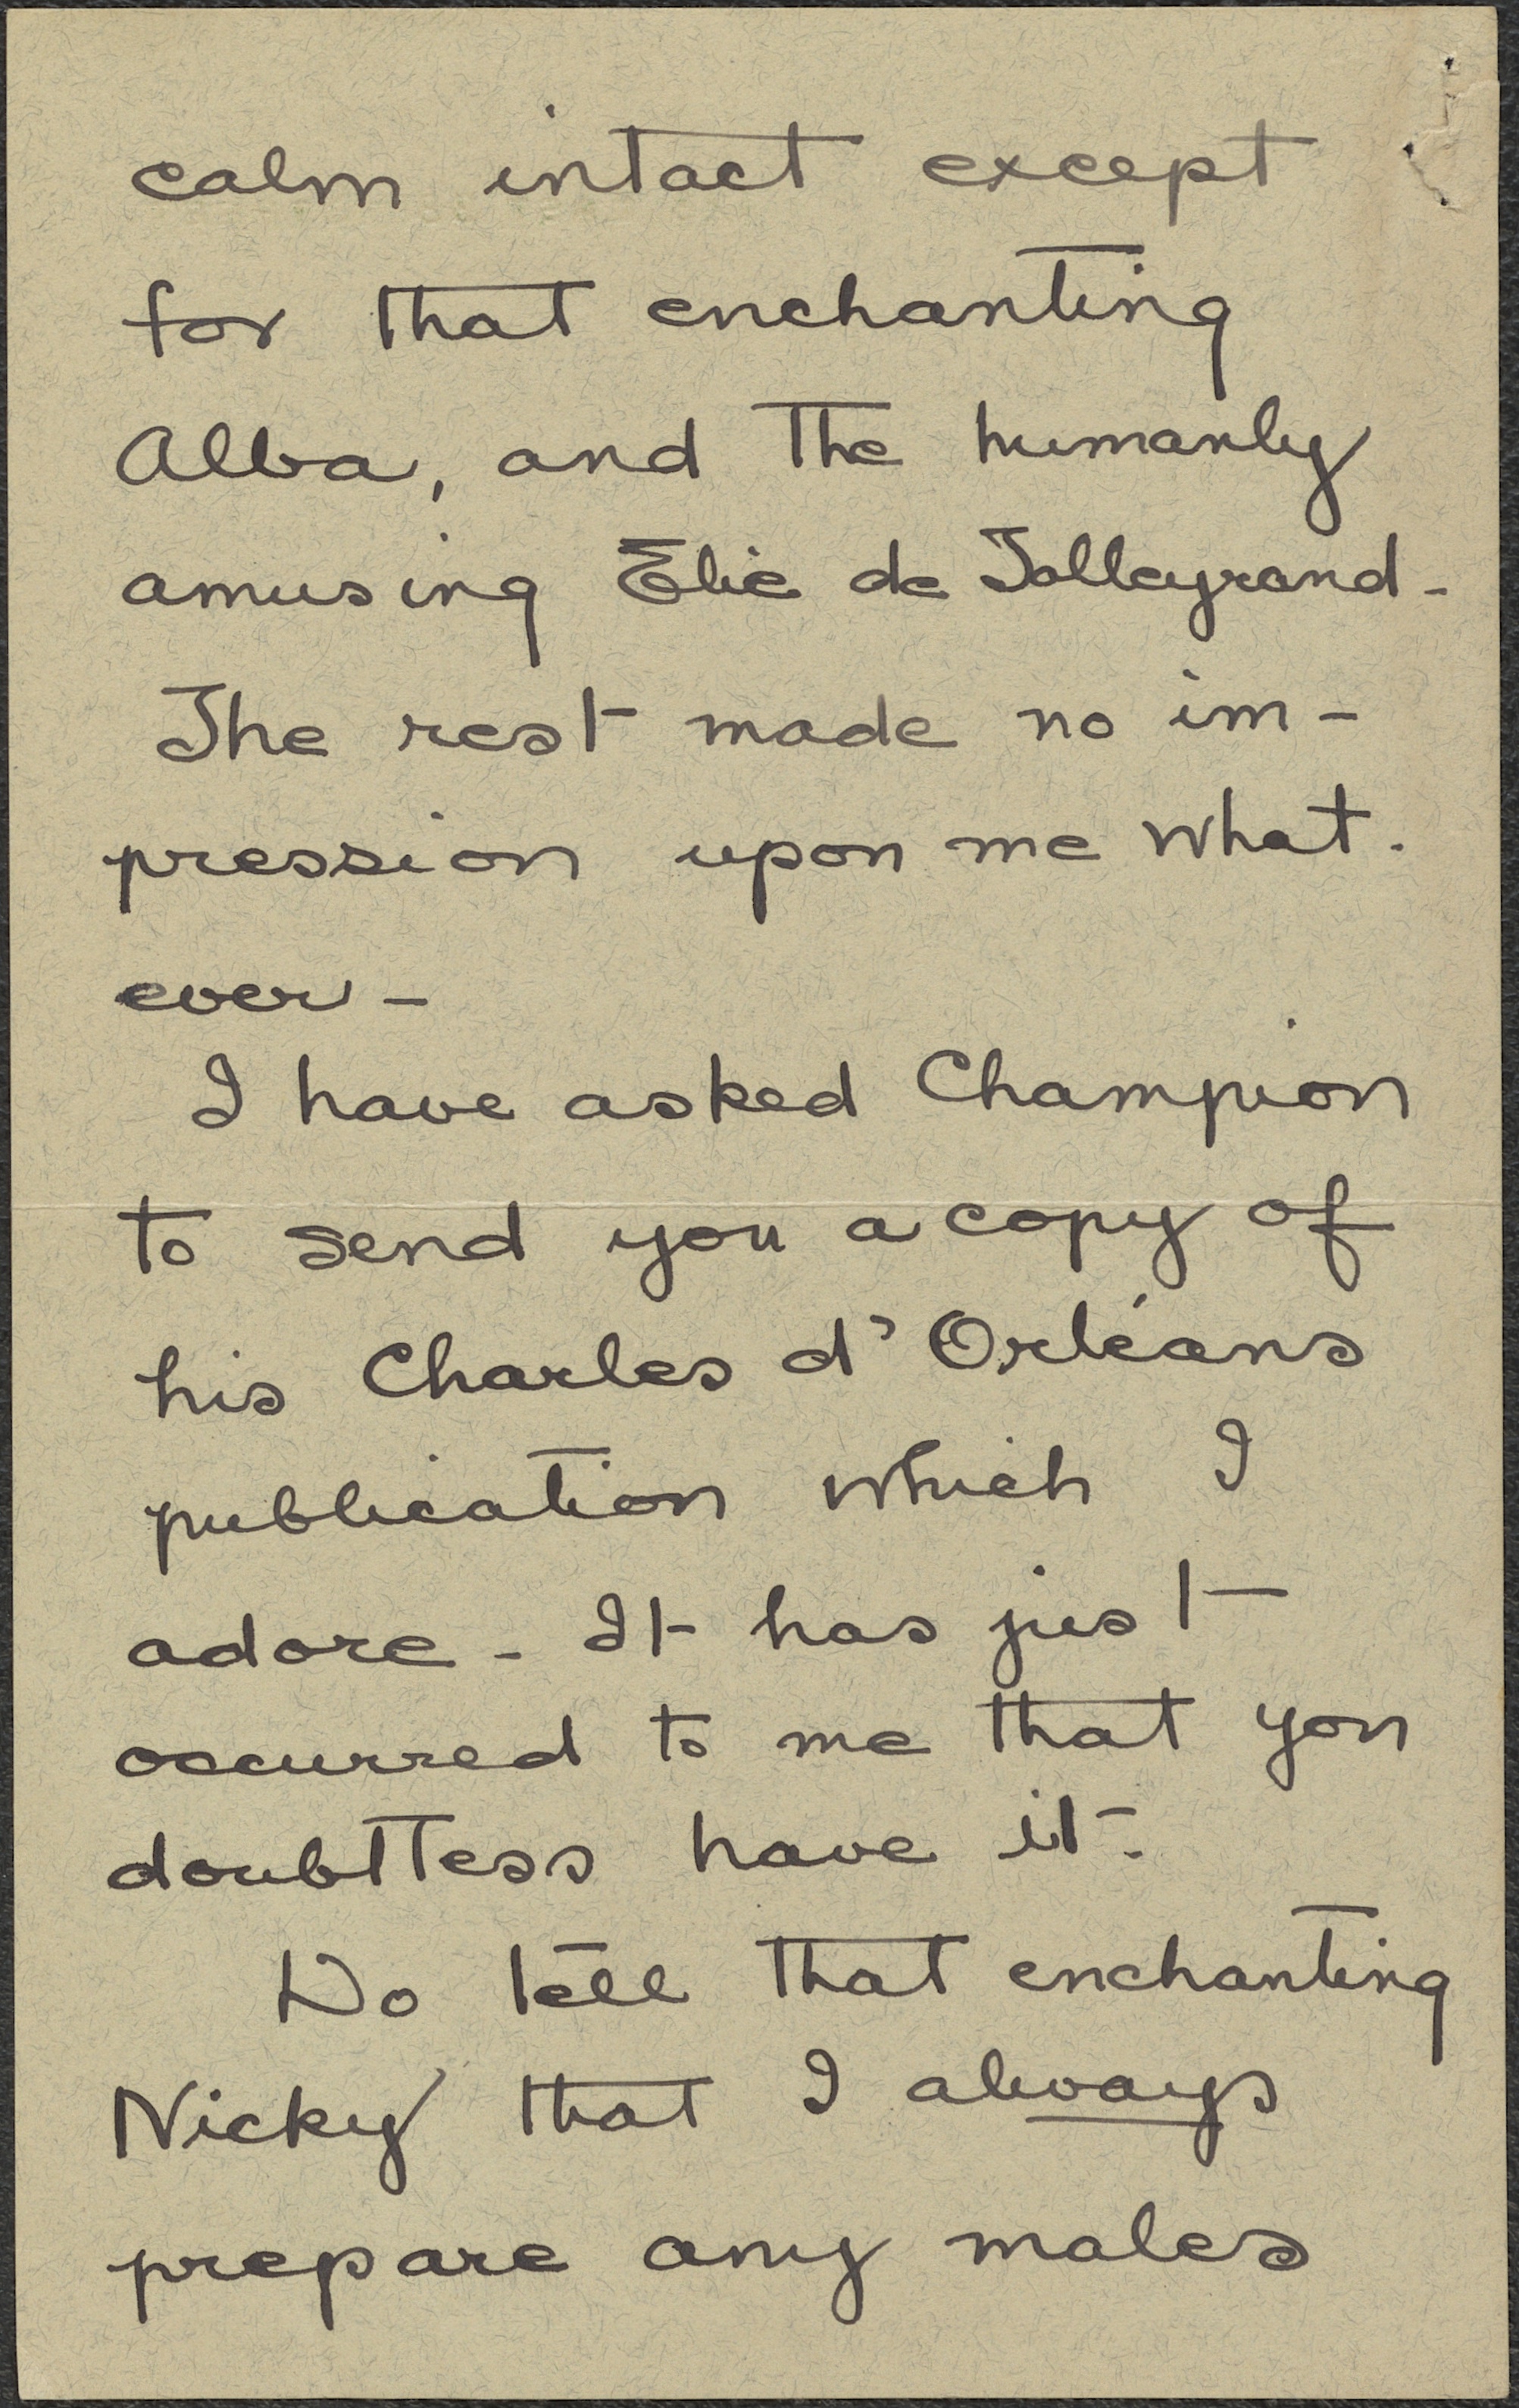calm intact except for that enchanting Alba, and the humanly amusing Elie de Talleyrand –
The rest made no impression upon me whatever –
I have asked Champion to send you a copy of his Charles d’Orléans publication which I adore –It has just occurred to me that you doubtless have it.
Do tell that enchanting Nicky that I always prepare any males